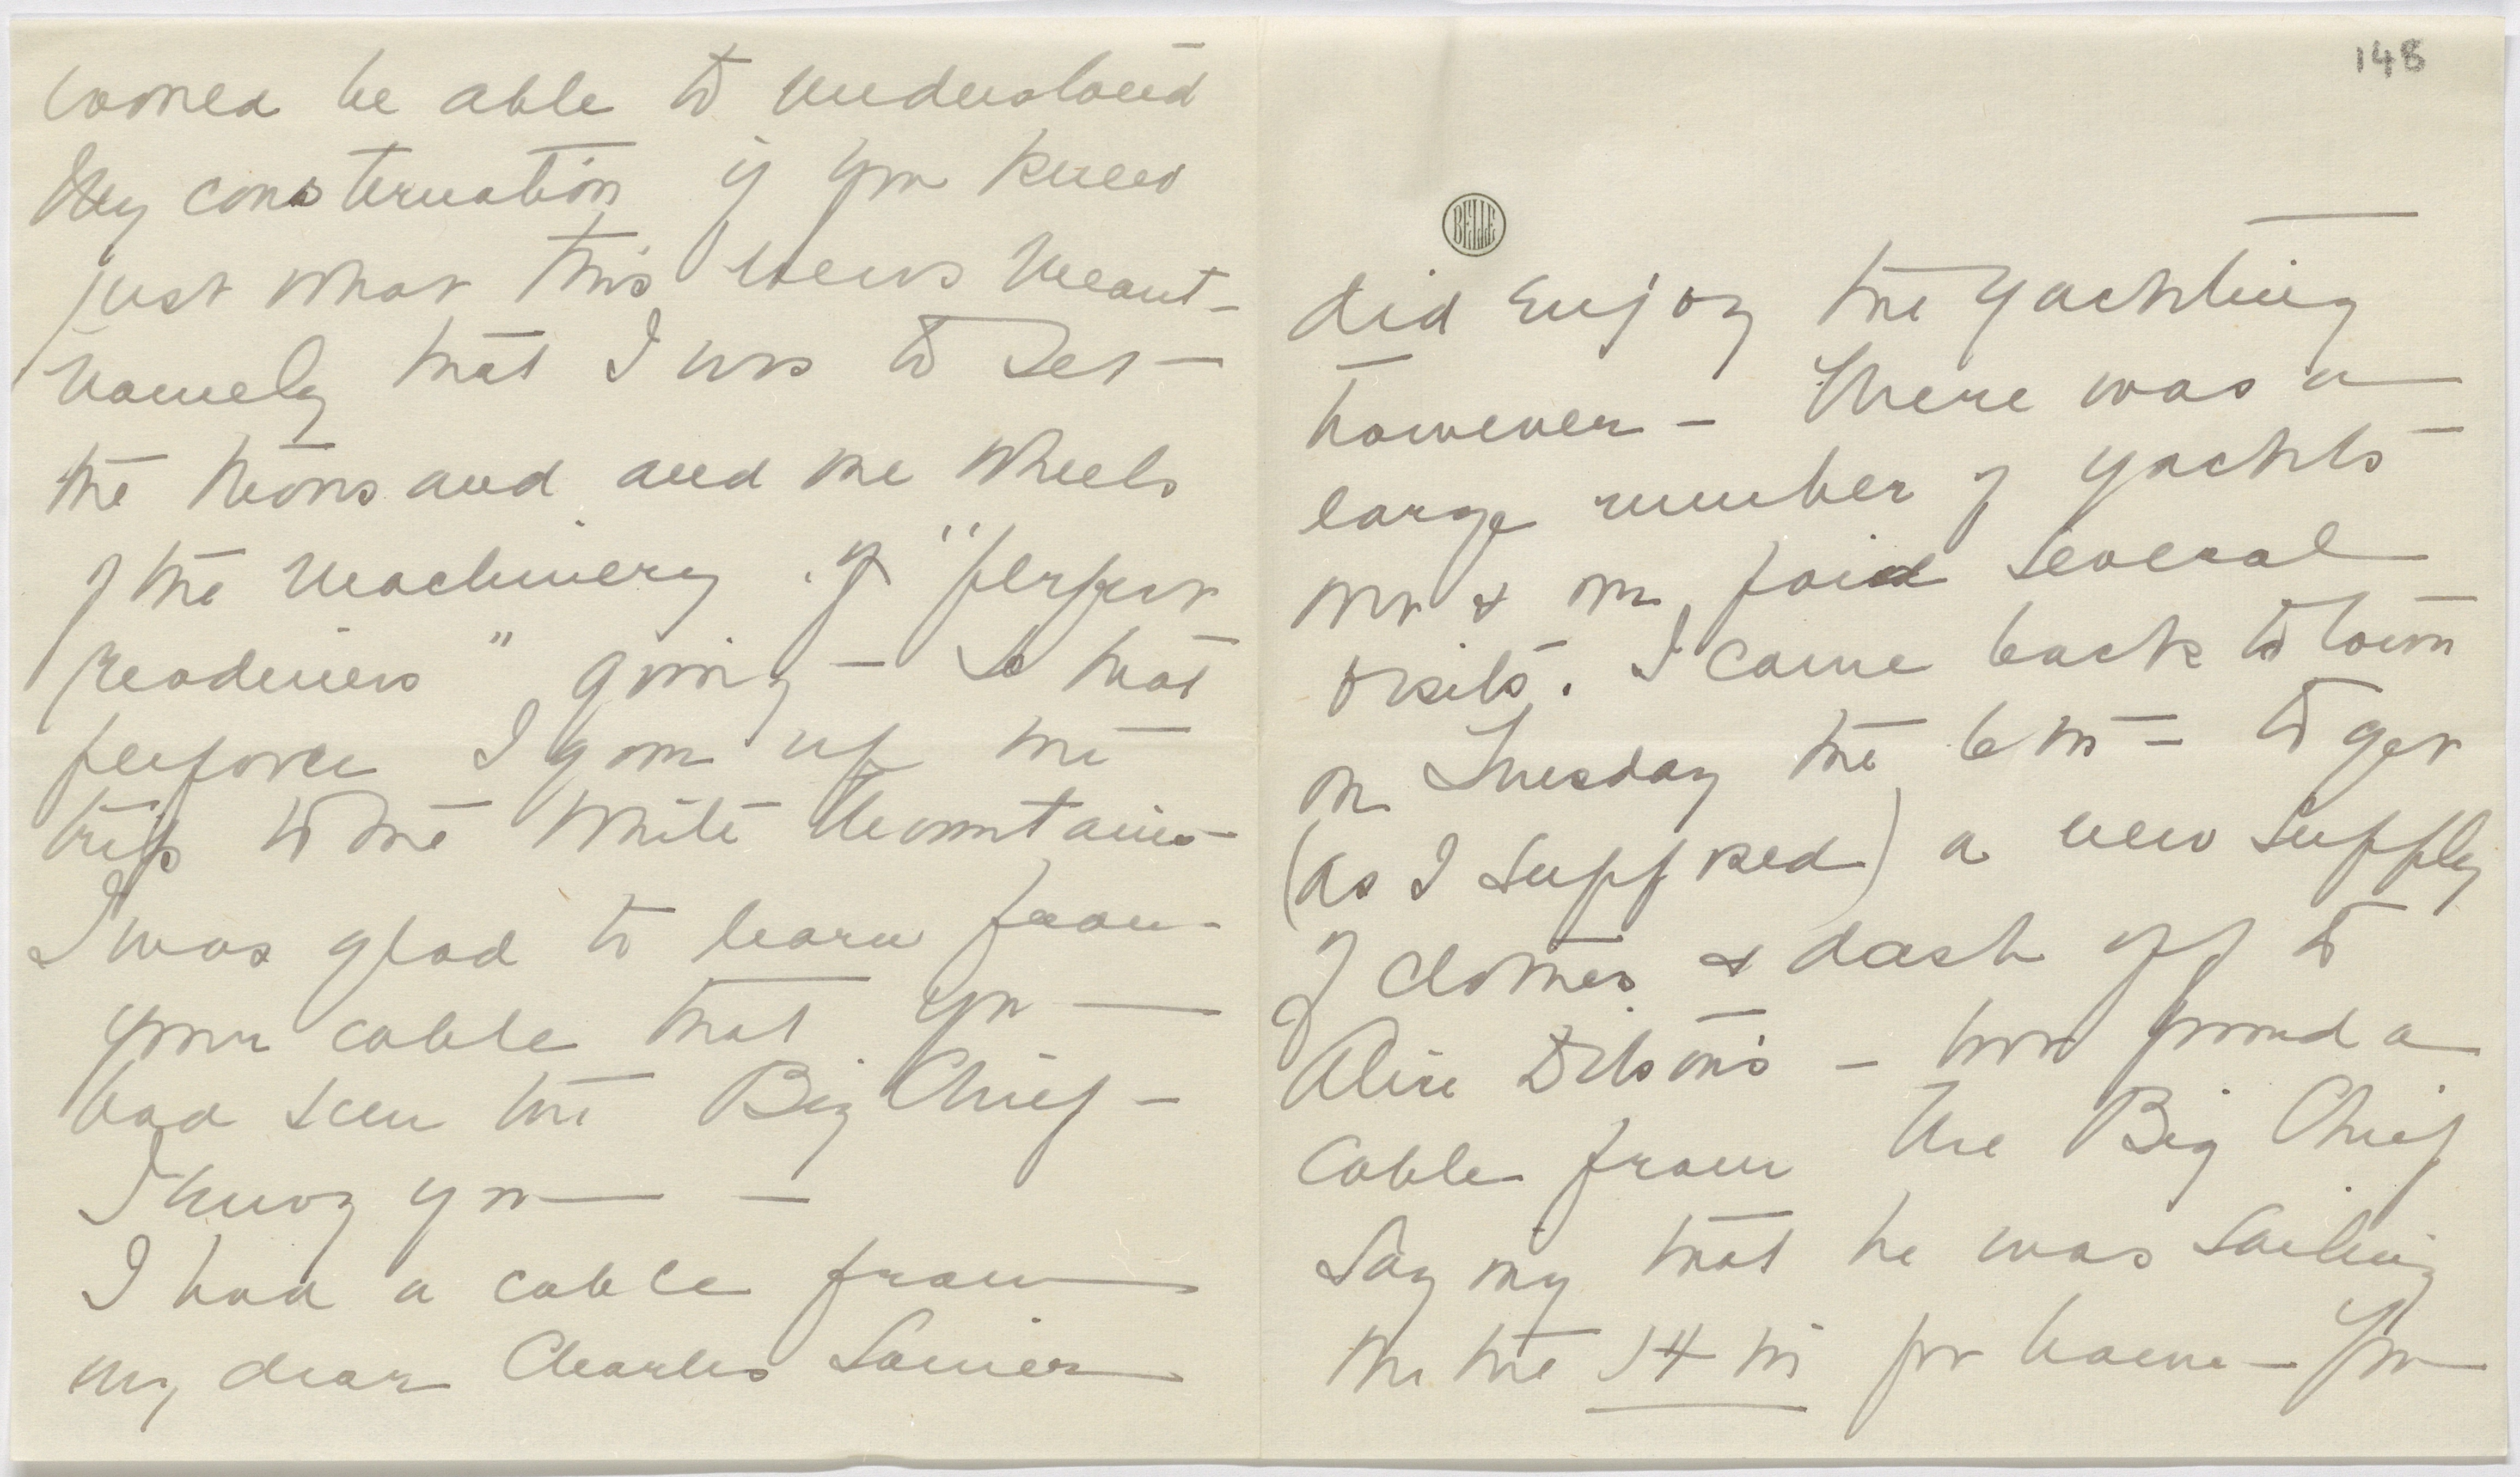did enjoy the yachting however – there was a large number of yachts out & we paid several visits. I came back to town on Tuesday the 6th – to get (as I supposed) a new supply of clothes & dash off to Alice Ditson’s – but found a cable from the Big Chief saying that he was sailing on the 14th for home – You
would be able to understand my consternation if you knew just what this news meant – namely that I was to set the thousand and one wheels of the machinery of “perfect readiness” going – so that perforce I gave up the trip to the White Mountains –
I was glad to learn from your cable that you had seen the Big Chief – I envy you – –
I had a cable from my dear Charles Lanier